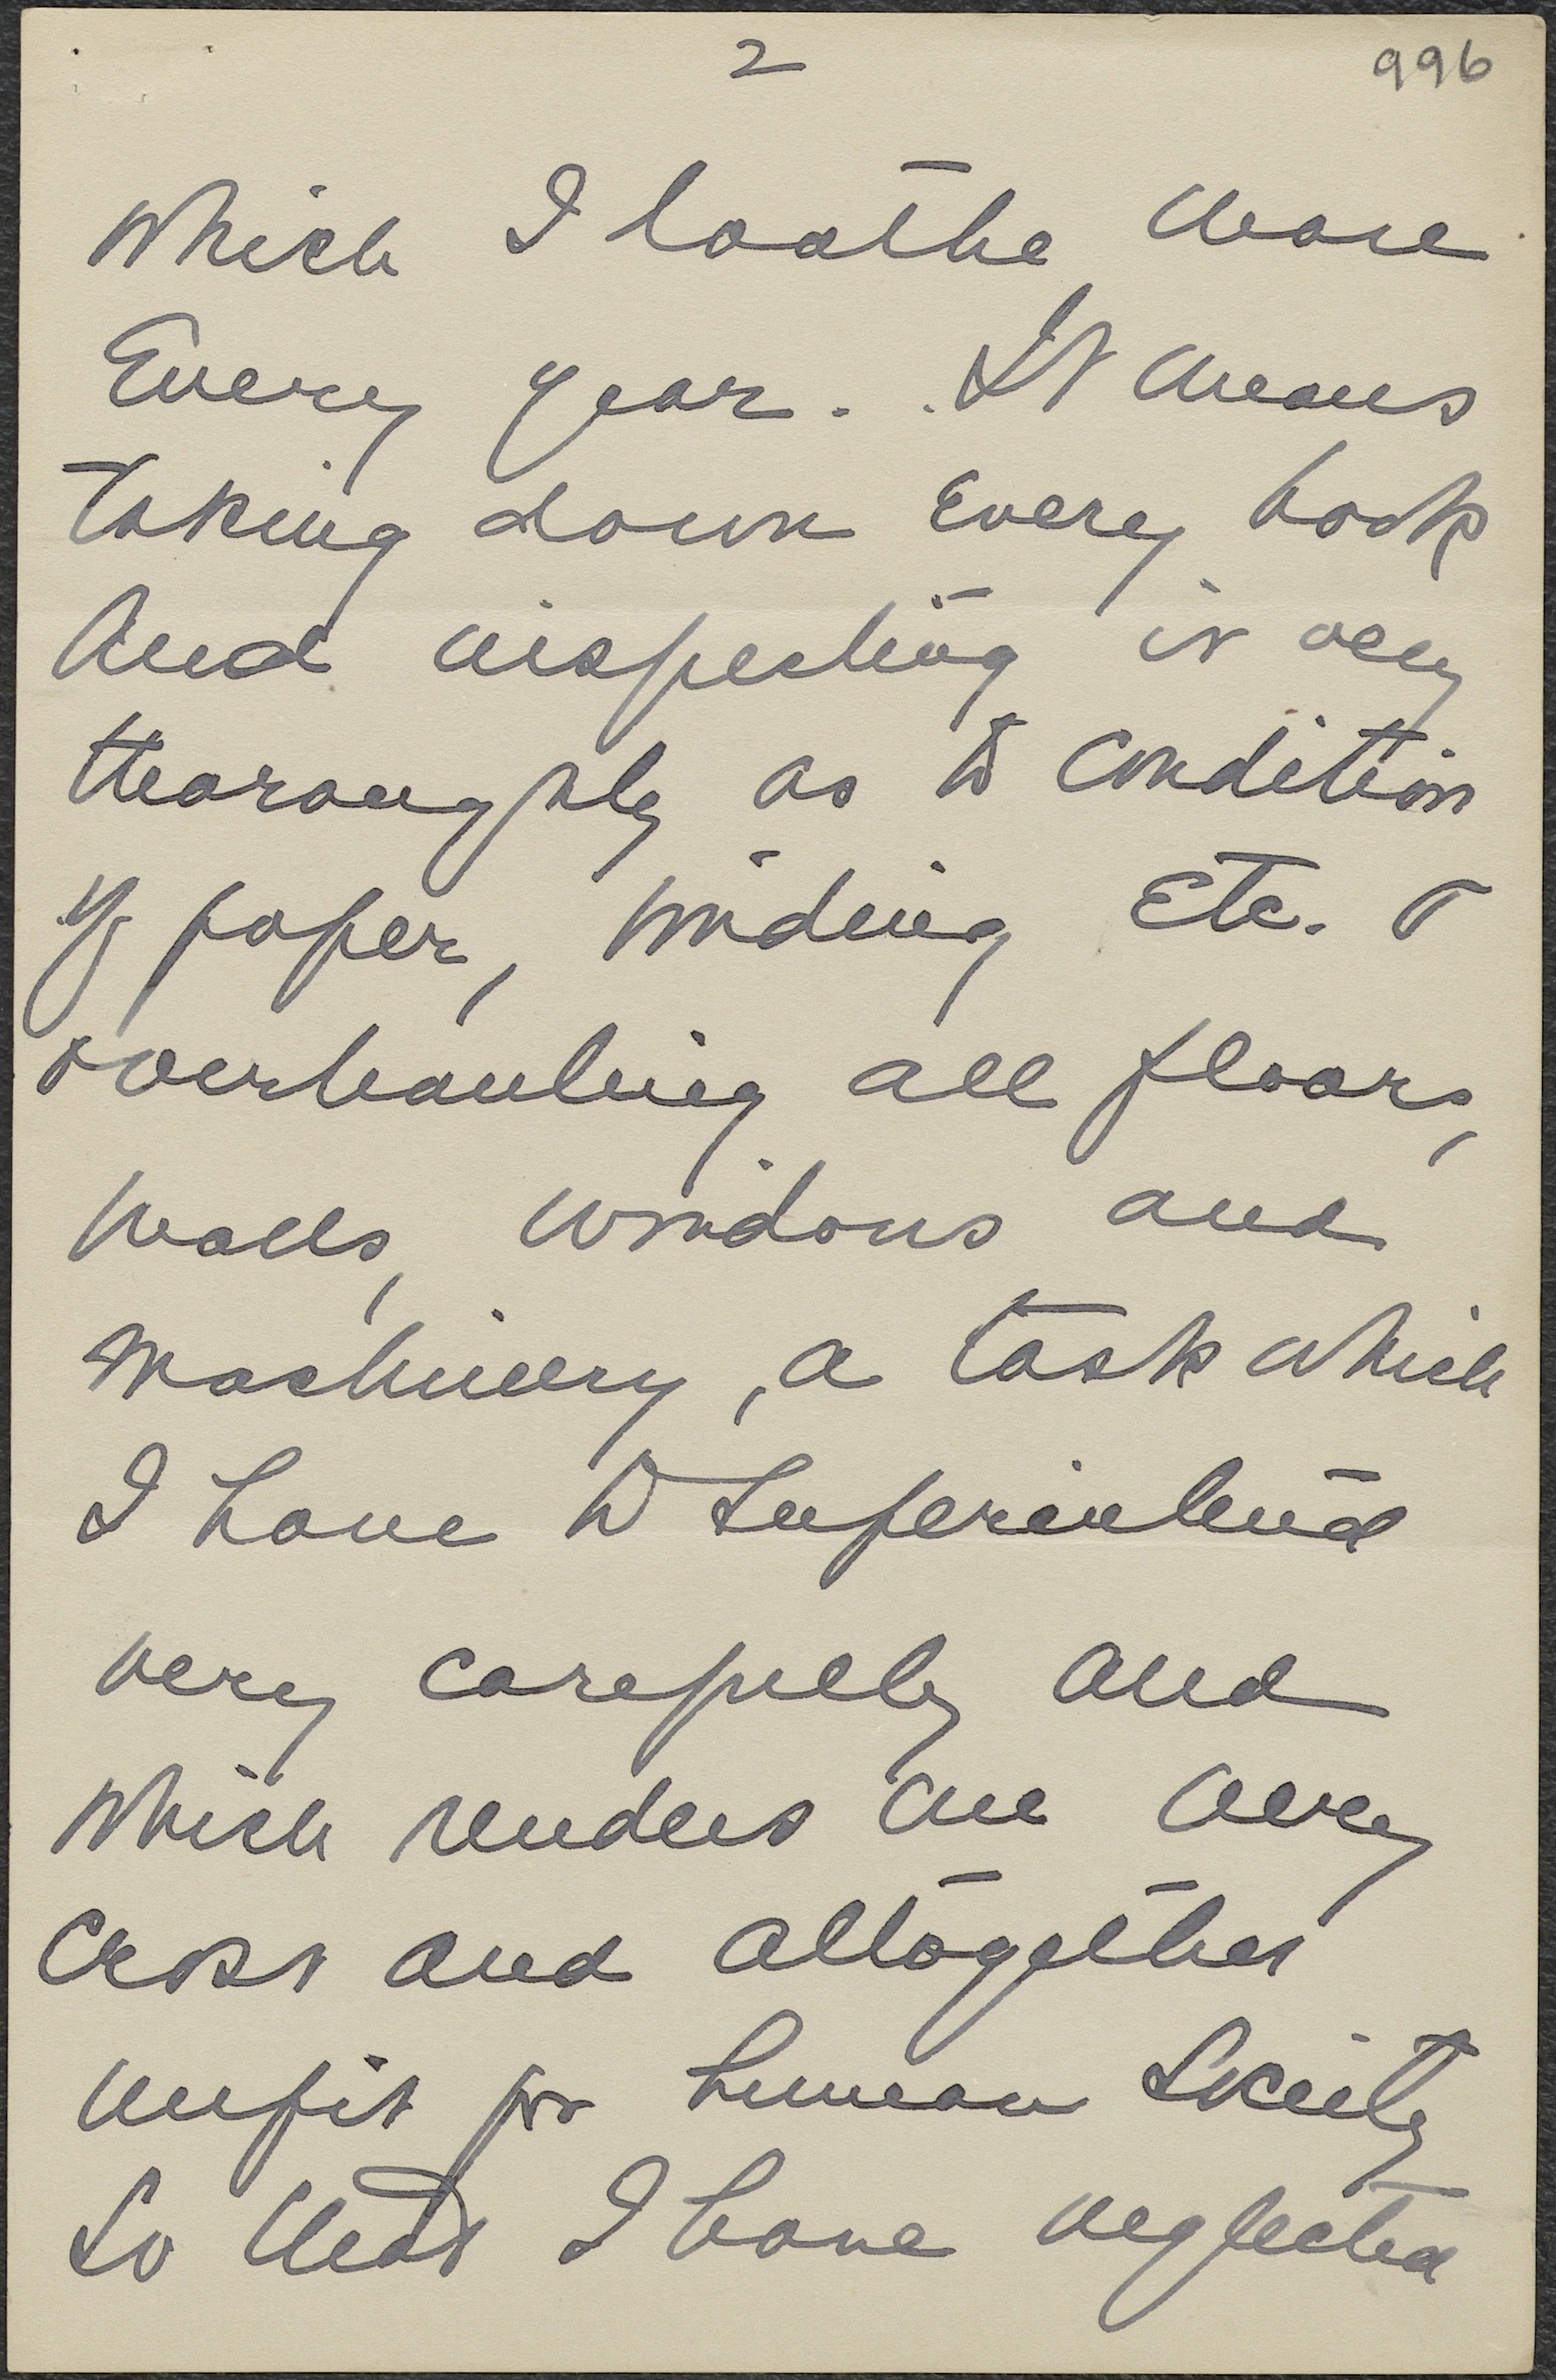which I loathe more every year – It means taking down every book and inspecting it very thoroughly as to condition of paper, binding etc. & overhauling all floors, walls, windows and machinery, a task which I have to superintend very carefully and which renders me very cross and altogether unfit for human society so that I have neglected